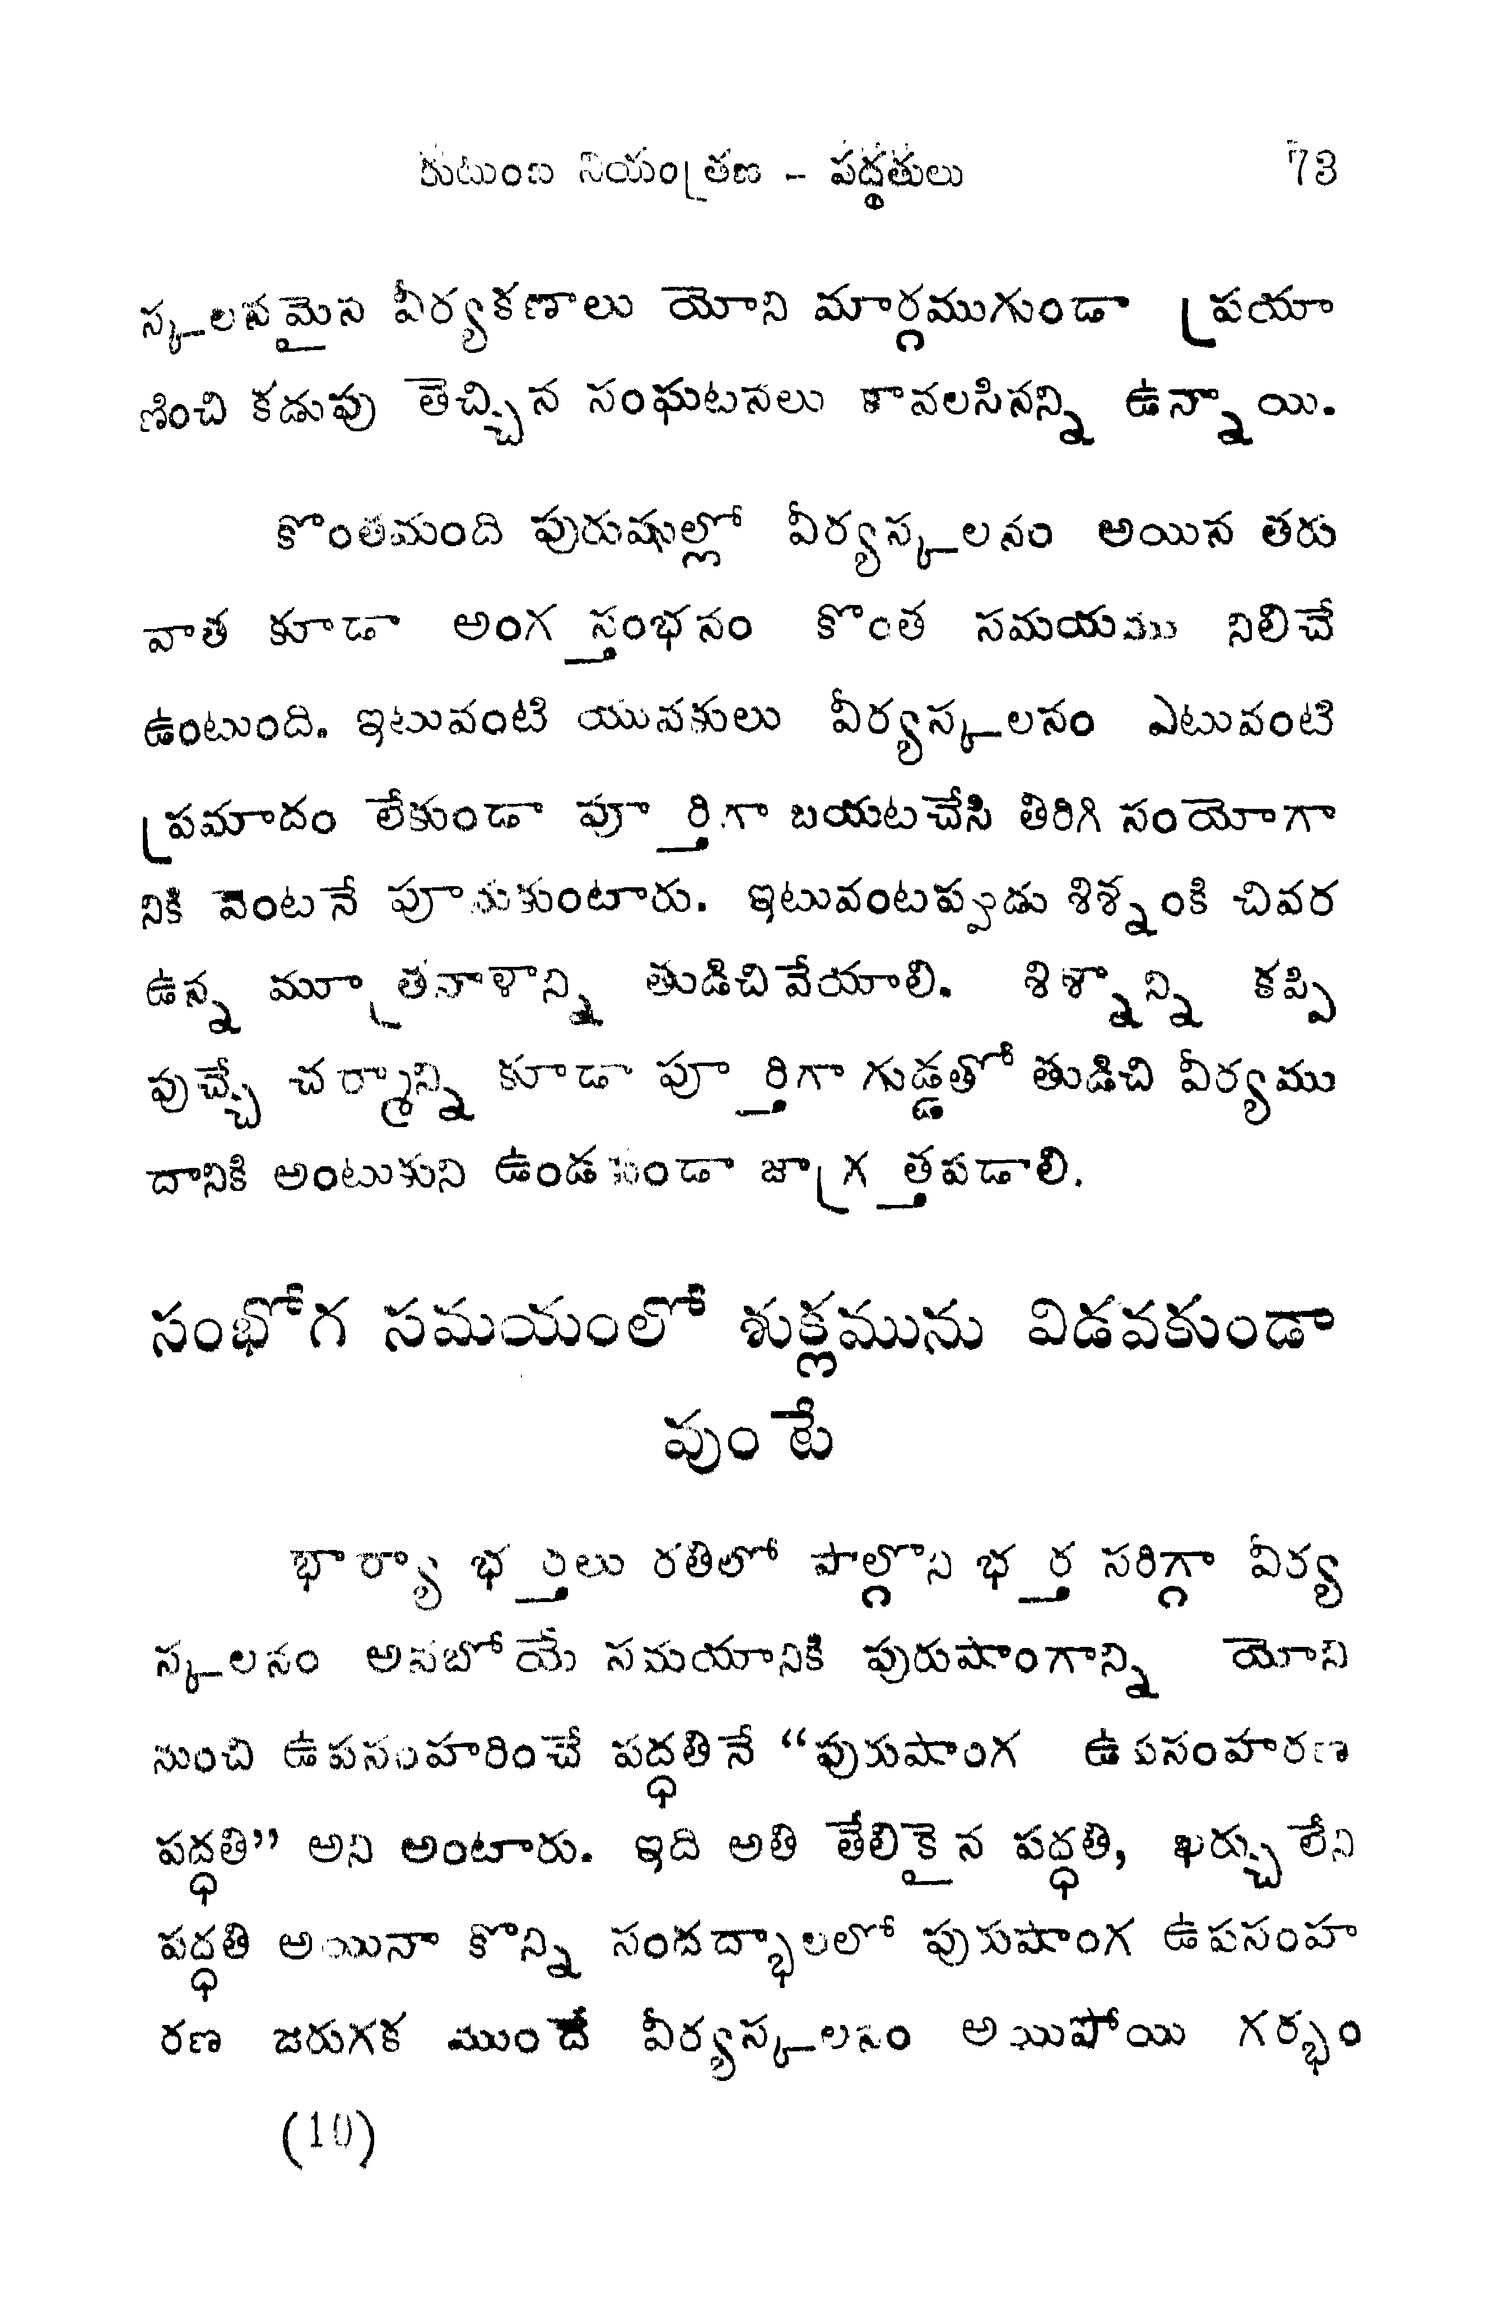స్కలనమైన వీర్యకణాలు యోని మార్గముగుండా ప్రయాణించి కడుపు తెచ్చిన సంఘటనలు కావలసినన్ని ఉన్నాయి.

కొంతమంది పురుషుల్లో వీర్యస్కలనం అయిన తరువాత కూడా అంగ స్తంభనం కొంత సమయము నిలిచే ఉంటుంది. ఇటువంటి యువకులు వీర్యస్కలనం ఎటువంటి ప్రమాదం లేకుండా పూర్తిగా బయటచేసి తిరిగి సంయోగానికి వెంటనే పూనుకుంటారు. ఇటువంటప్పుడు శిశ్నంకి చివర ఉన్న మూత్రనాళాన్ని తుడిచివేయాలి. శిశ్నాన్ని కప్పిపుచ్దే చర్మాన్ని కూడా పూర్తిగా గుడ్డతో తుడిచి వీర్యము దానికి అంటుకుని ఉండకుండా జాగ్రత్త పడాలి.

భార్యా భర్తలు రతిలో పాల్గొని భర్త సరిగ్గా వీర్య స్కలనం అవబోయే సమయానికి పురుషాంగాన్ని యోని నుంచి ఉపసంహరించే పద్ధతినే "పురుషాంగ ఉపసంహరణ పద్ధతి"అని అంటారు. ఇది అతి తేలికైన పద్ధతి, ఖర్చులేని పద్ధతి అయినా కొన్ని సందర్బాలలో పురుషాంగ ఉపసంహణ జరగక ముందే వీర్యస్కలనం అయిపోయిగర్భం